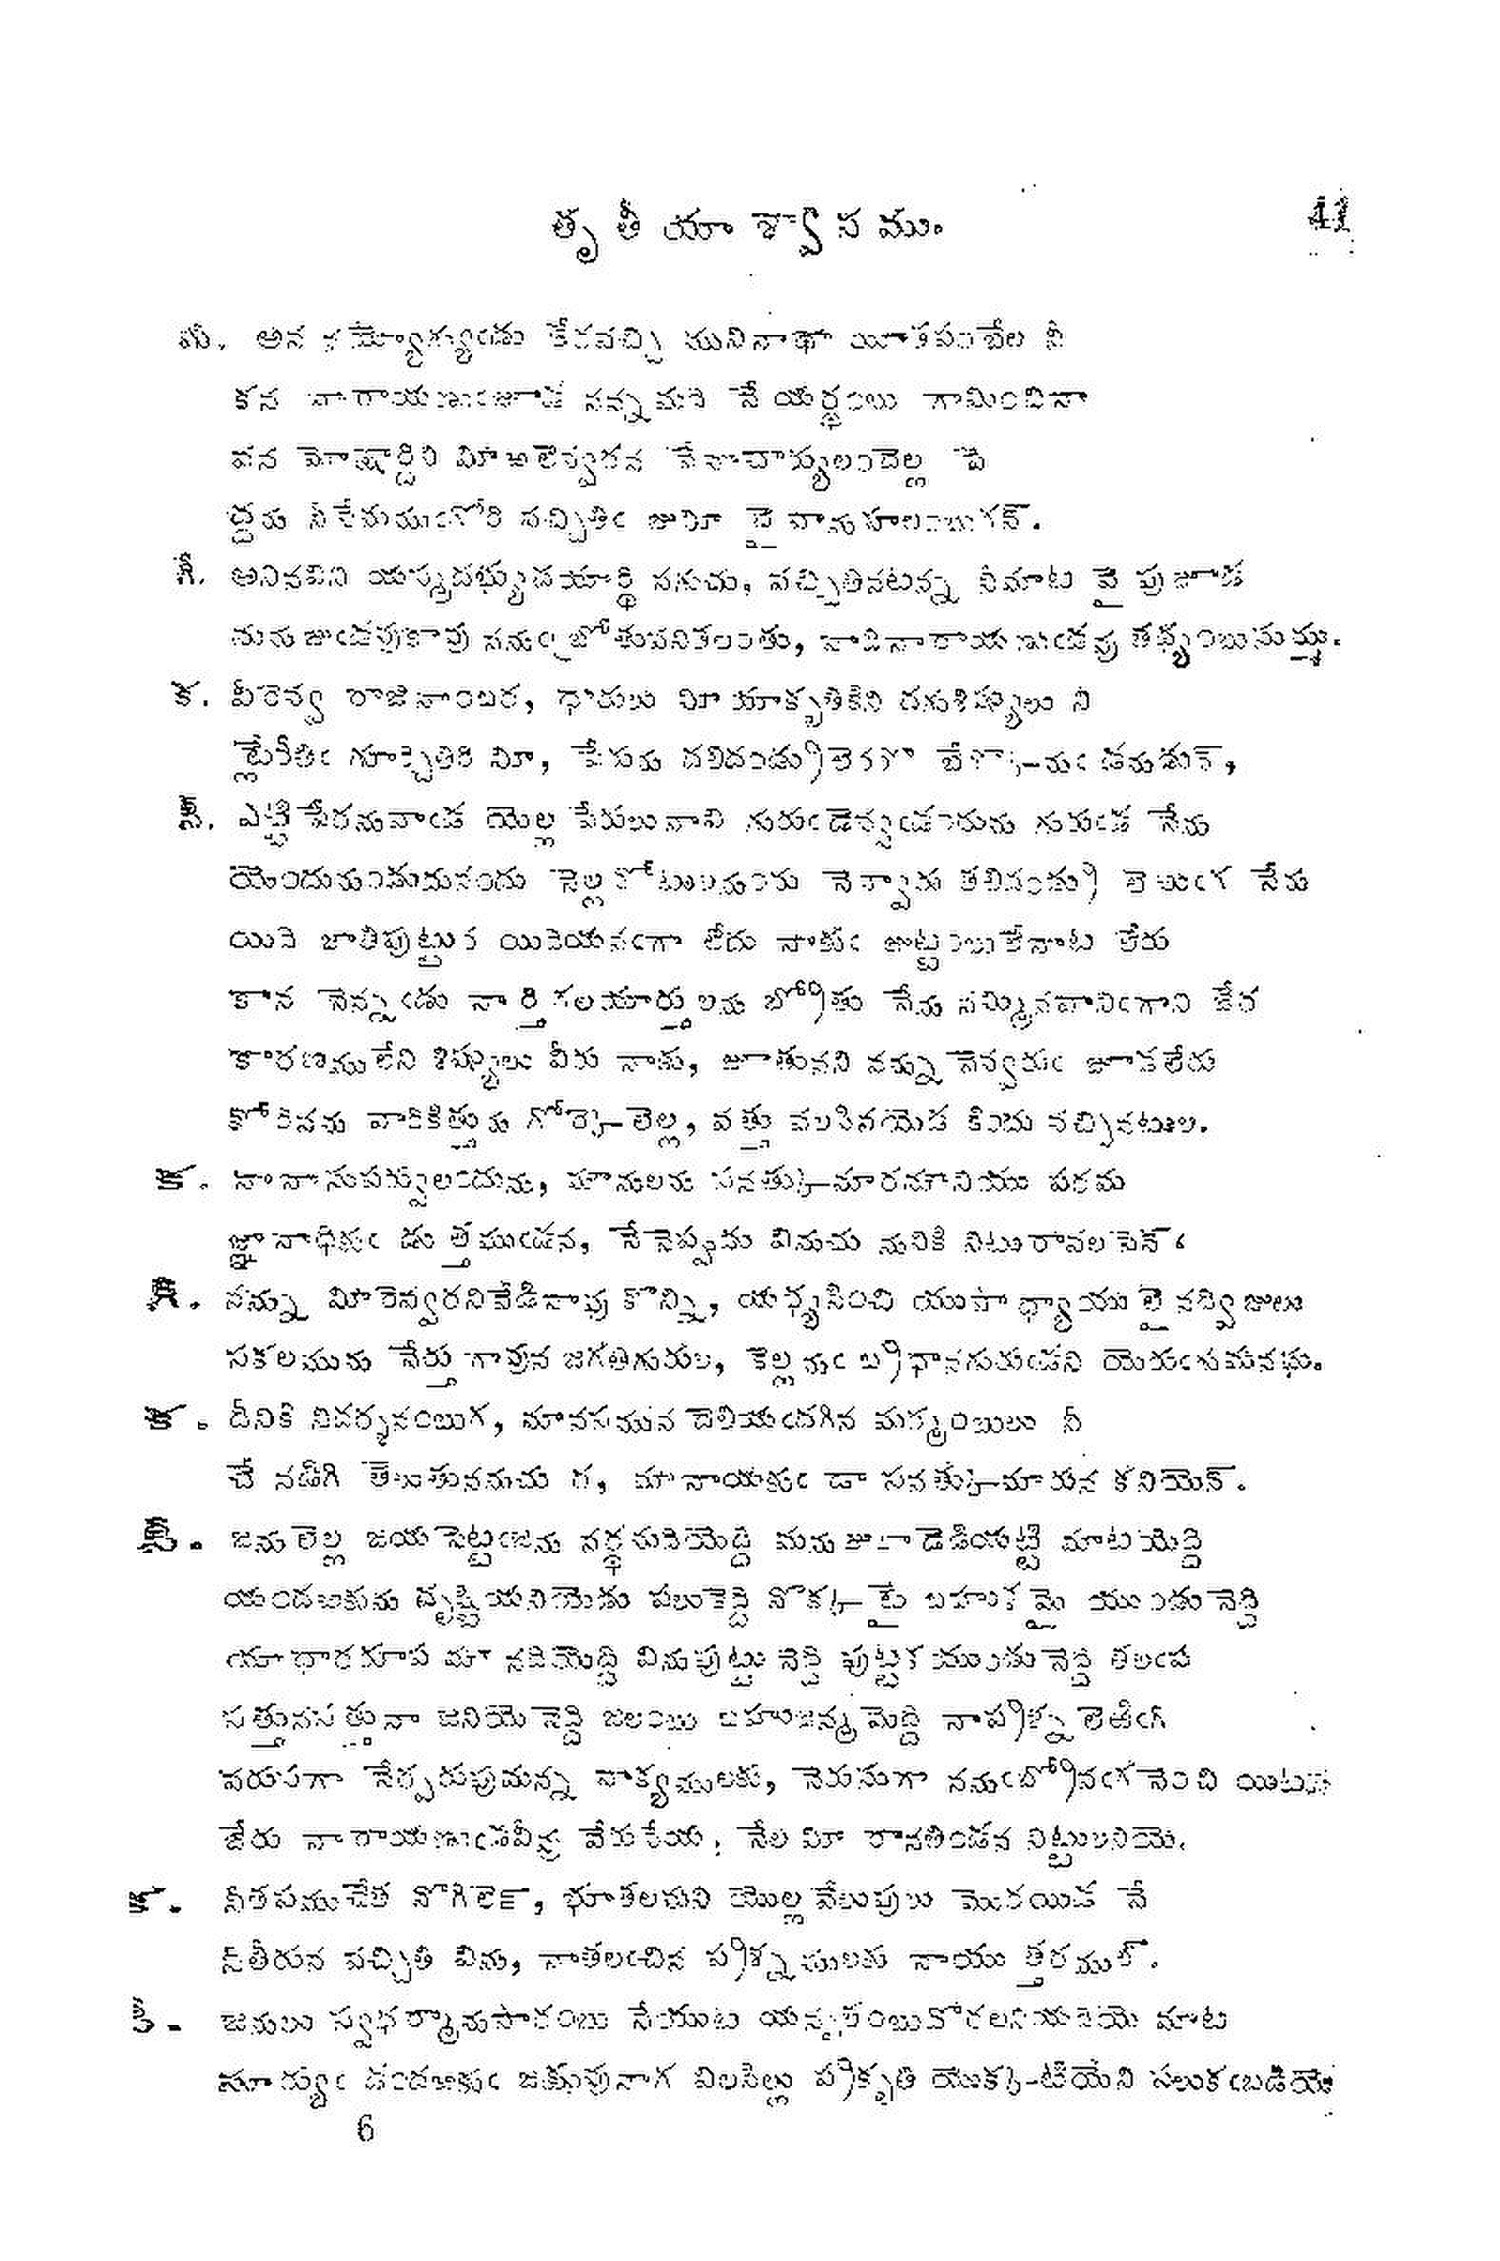మ. అన నయ్యోగ్యుఁడు చేరవచ్చి మునినాథా యీతపం బేల నీ
 కన నారాయణుఁ జూడ జనా నన్నమది నే యర్థంబు గామించినా
 వన మోక్షార్థిని మీఱ లెవ్వరన నే నాచార్యులందెల్ల పె
 ద్దను నీసేమముఁ గోరి వచ్చితిఁ జుమీ దైవానుకూలంబుగన్.
గీ. అనినవిని యస్మదభ్యుదయార్థి నగుచు, వచ్చితి నటన్న నీమాటవైపు జూడ
 మనుజుఁడవు కావు ననుఁ బ్రోతువనితలంతు, నాదినారాయణుఁడవు తథ్యంబు సుమ్ము.
క. వీరెవ్వ రాజినాంబర, ధారులు మీయాకృతికిని దగుశిష్యులు ని
 ట్లేరీతి గూర్చితిరి మీ , పేరును దలిదండ్రులెవరొ బేర్కొనుఁ డనుడున్.
సీ. ఎట్టిపేరనువాఁడ యెల్లపేరులు నావి గురుఁ డెవ్వ డందును గురుఁడ నేను
 యెందునుండుదునందు నెల్లచోటులనుందు నెవ్వారు తలిదండ్రు లెఱుఁగ నేను
 యిది జాతిపుట్టుక యిదియనఁగా లేదు నాకు జుట్టంబు లేనాట లేరు
 కాన నెన్నఁడు నార్తిగలయార్తులను బ్రోతు నేను నమ్మినవానిఁగాని జేర
 కారణము లేని శిష్యులు వీరు నాకు, జూతునని నన్ను నెవ్వరుఁ జూడలేరు
 కోరినను వారికిత్తును గోర్కెలెల్ల, వత్తు వలసినయెడ కిందు వచ్చినటుల.
క. నానాసుపర్వులందును, మౌనులను సనత్కుమారమౌనియు పరమ
 జ్ఞానాధికుఁ డుత్తముఁడన, నే నెప్పుడు వినుచు నునికి నిటు రావలసెన్.
గీ. నన్ను మీరెవ్వరని వేడినావు కొన్ని, యభ్యసించి యుపాధ్యాయులైనద్విజులు
 సకలమును నేర్తు గావున జగతి గురుల, కెల్లనుఁ బ్రధానగురుఁడని యెరుఁగు మనఘ.
క. దీనికి నిదర్శనంబుగ, మానసమున దెలియఁదగిన మర్మంబులు నీ
 చే నడిగి తెలుతుననుచు ర, మానాయకుఁ డా సనత్కుమారున కనియెన్.
సీ. జనులెల్ల జయపెట్టఁజను నర్థ మదియెద్ది మనుజులాడెడియట్టి మాటయెద్ది
 యందఱకును దృష్టియనియెడు పలుకెద్ది నొక్కటై బహుళమై యుండునెద్ది
 యాధారరూప మౌ నది యెద్ది విను పుట్టునెద్ది పుట్టకయుండునెద్ది తలఁప
 సత్తునసత్తునా జనియె నెద్ది జలంబు బహుజన్మమెద్ది నాప్రశ్న లెఱిఁగి
 వరుసగా నేర్పరుపుమన్న వాక్యములకు, నెరుసుగా ననుఁ బ్రోవఁగ నెంచి యిటకు
 జేరు నారాయణుఁడ వీవు వేరు సేయ, నేల మీ రానతిండన నిట్టులనియె.
క. నీతపముచేత నొగిలెన్, భూతలమని యెల్లవేలుపులు మొరయిడ నే
 నీతీరున వచ్చితి విను, నాతలఁచిన ప్రశ్నములకు నాయుత్తరముల్.
సీ. జనులు స్వధర్మానుసారంబు సేయుట యనృతంబు దొరలనియదియె మాట
 సూర్యుఁ డందఱకుఁ జక్షువునాగ విలసిల్లు ప్రకృతి యొక్కటియేని పలుకఁబడియె.